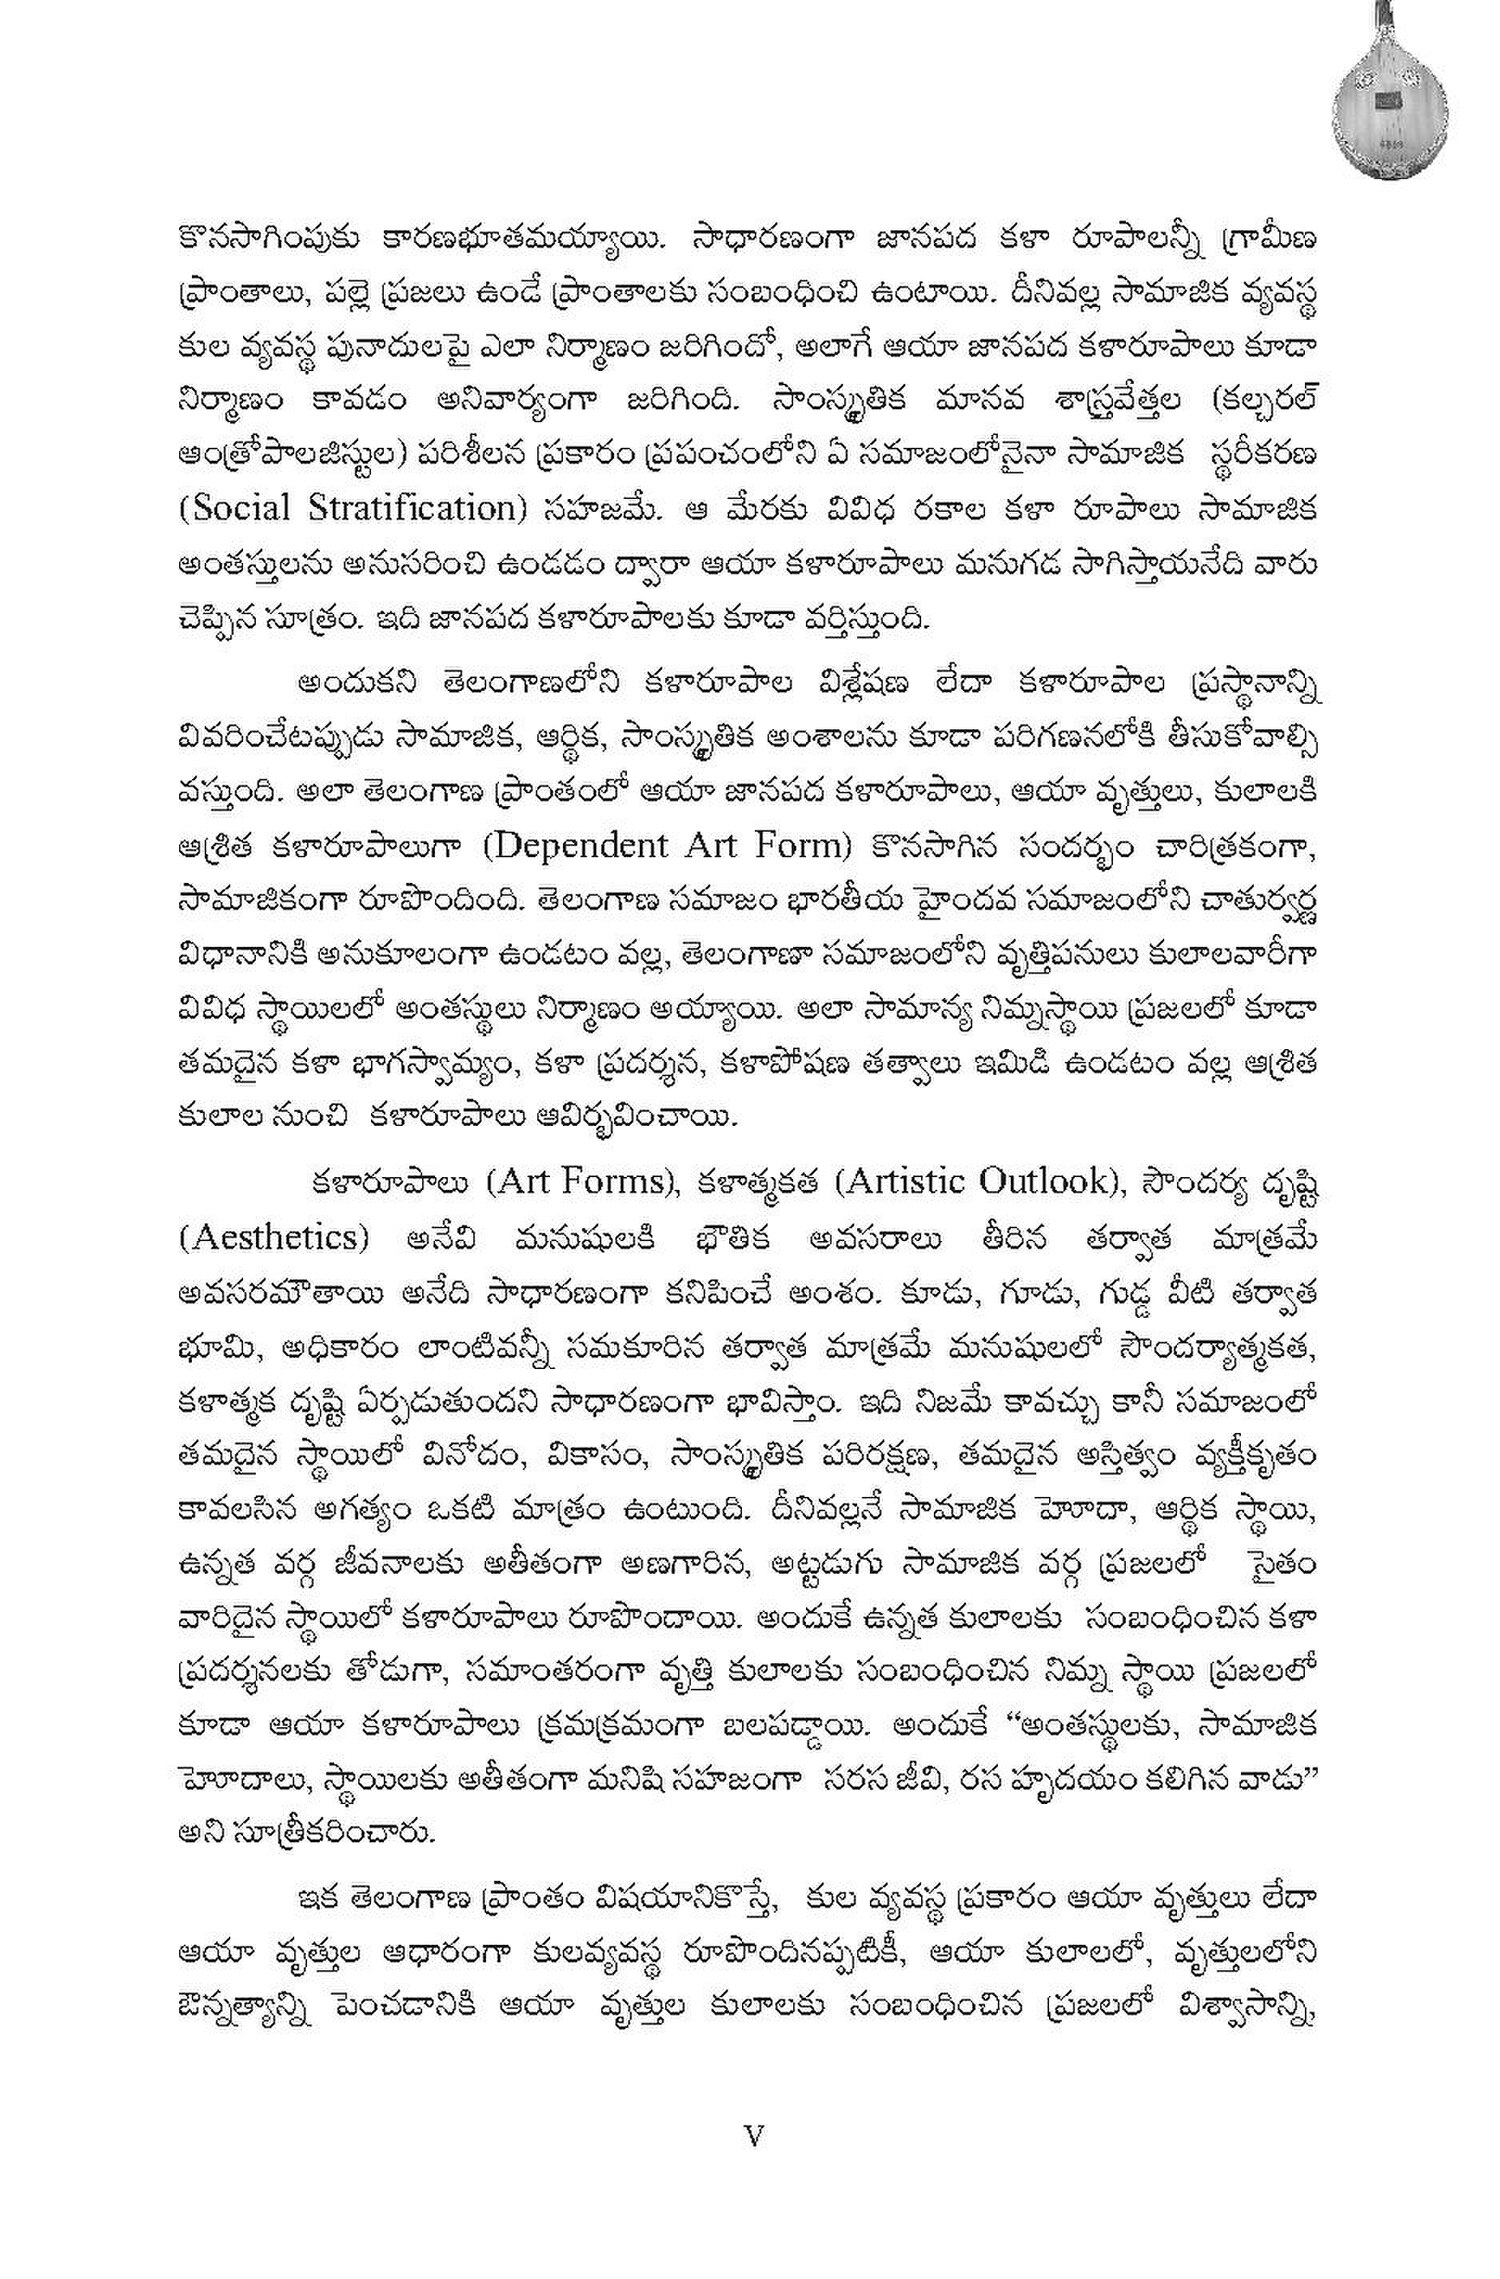కొనసాగింపుకు కారణభూతమయ్యాయి. సాధారణంగా జానపద కళా రూపాలన్నీ గ్రామీణ ప్రాంతాలు, పల్లె ప్రజలు ఉండే ప్రాంతాలకు సంబంధించి ఉంటాయి. దీనివల్ల సామాజిక వ్యవస్థ కుల వ్యవస్థ పునాదులపై ఎలా నిర్మాణం జరిగిందో, అలాగే ఆయా జానపద కళారూపాలు కూడా నిర్మాణం కావడం అనివార్యంగా జరిగింది. సాంస్కృతిక మానవ శాస్త్రవేత్తల (కల్చరల్ ఆంత్రోపాలజిస్టుల) పరిశీలన ప్రకారం ప్రపంచంలోని ఏ సమాజంలోనైనా సామాజిక స్థిరీకరణ (Social Stratification) సహజమే. ఆ మేరకు వివిధ రకాల కళా రూపాలు సామాజిక అంతస్తులను అనుసరించి ఉండడం ద్వారా ఆయా కళారూపాలు మనుగడ సాగిస్తాయనేది వారు చెప్పిన సూత్రం. ఇది జానపద కళారూపాలకు కూడా వర్తిస్తుంది.

అందుకని తెలంగాణలోని కళారూపాలు విశ్లేషణ లేదా కళారూపాల ప్రస్థానాన్ని వివరించేటప్పుడు సామాజిక, ఆర్థిక, సాంస్కృతిక అంశాలను కూడా పరిగణనలోకి తీసుకోవాల్సి వస్తుంది. అలా తెలంగాణ ప్రాంతంలో ఆయా జానపద కళారూపాలు, ఆయా వృత్తులు, కులాలకి ఆశ్రిత కళారూపాలుగా (Dependent Art Form) కొనసాగిన సందర్భం చారిత్రకంగా, సామాజికంగా రూపొందింది. తెలంగాణ సమాజం భారతీయ హైందవ సమాజంలోని చాతుర్వర్ణ విధానానికి అనుకూలంగా ఉండటం వల్ల, తెలంగాణా సమాజంలోని వృత్తిపనులు కులాలవారీగా వివిధ స్థాయిలలో అంతస్థులు నిర్మాణం అయ్యాయి. అలా సామాన్య నిమ్నస్థాయి ప్రజలలో కూడా తమదైన కళా భాగస్వామ్యం, కళా ప్రదర్శన, కళాపోషణ తత్వాలు ఇమిడి ఉండటం వల్ల ఆశ్రిత కులాల నుంచి కళారూపాలు ఆవిర్భవించాయి.

కళారూపాలు (Art Forms), కళాత్మకత (Artistic Outlook), సౌందర్య దృష్టి (Aesthetics) అనేవి మనుషులకి భౌతిక అవసరాలు తీరిన తర్వాత మాత్రమే అవసరమౌతాయి అనేది సాధారణంగా కనిపించే అంశం. కూడు, గూడు, గుడ్డ వీటి తర్వాత భూమి, అధికారం లాంటివన్నీ సమకూరిన తర్వాత మాత్రమే మనుషులలో సౌందర్యాత్మకత, కళాత్మక దృష్టి ఏర్పడుతుందని సాధారణంగా భావిస్తాం. ఇది నిజమే కావచ్చు కానీ సమాజంలో తమదైన స్థాయిలో వినోదం, వికాసం, సాంస్కృతిక పరిరక్షణ, తమదైన అస్తిత్వం వ్యక్తీకృతం కావలసిన అగత్యం ఒకటి మాత్రం ఉంటుంది. దీనివల్లనే సామాజిక హెూదా, ఆర్థిక స్థాయి, ఉన్నత వర్గ జీవనాలకు అతీతంగా అణగారిన, అట్టడుగు సామాజిక వర్గ ప్రజలలో సైతం వారిదైన స్థాయిలో కళారూపాలు రూపొందాయి. అందుకే ఉన్నత కులాలకు సంబంధించిన కళా ప్రదర్శనలకు తోడుగా, సమాంతరంగా వృత్తి కులాలకు సంబంధించిన నిమ్న స్థాయి ప్రజలలో కూడా ఆయా కళారూపాలు క్రమక్రమంగా బలపడ్డాయి. అందుకే "అంతస్థులకు, సామాజిక హెూదాలు, స్థాయిలకు అతీతంగా మనిషి సహజంగా సరస జీవి, రస హృదయం కలిగిన వాడు” అని సూత్రీకరించారు.

ఇక తెలంగాణ ప్రాంతం విషయానికొస్తే, కుల వ్యవస్థ ప్రకారం ఆయా వృత్తులు లేదా ఆయా వృత్తుల ఆధారంగా కులవ్యవస్థ రూపొందినప్పటికీ, ఆయా కులాలలో, వృత్తులలోని ఔన్నత్యాన్ని పెంచడానికి ఆయా వృత్తుల కులాలకు సంబంధించిన ప్రజలలో విశ్వాసాన్ని,